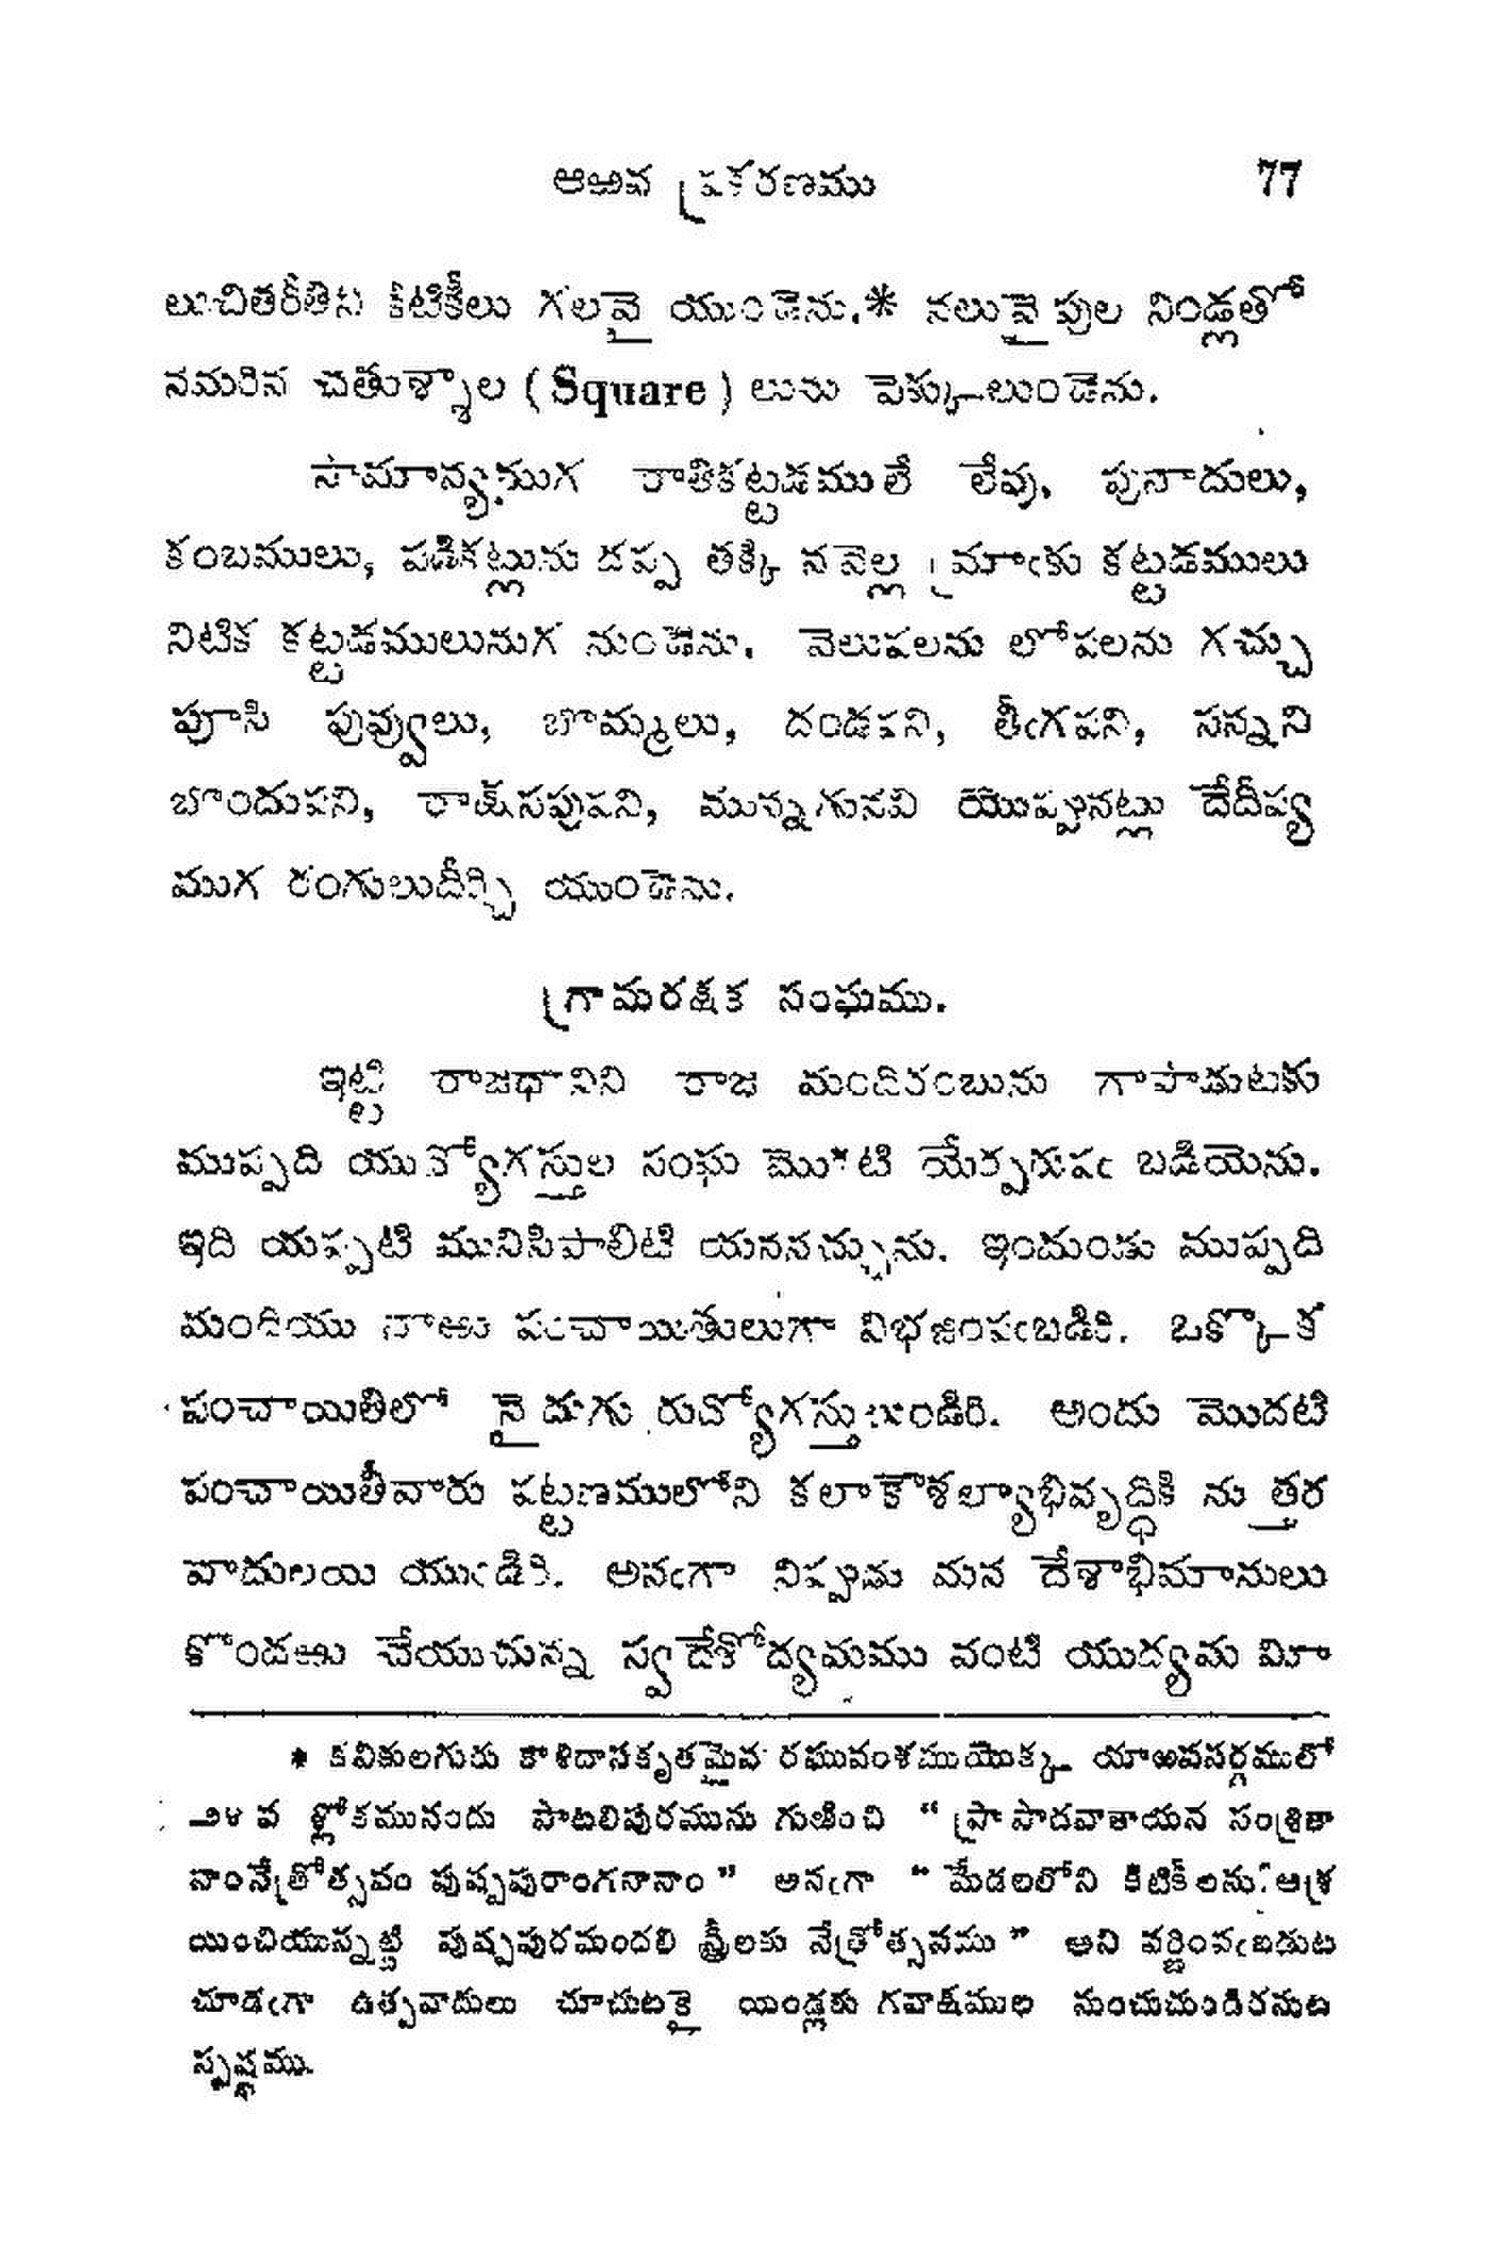లుచితరీతిని కిటికీలు గలవై యుండెను.* నలువైపుల నిండ్లతో నమరిన చతుశ్శాల (Square) లును పెక్కులుండెను.

సామాన్యముగ రాతికట్టడములే లేవు. పునాదులు, కంబములు, పడికట్లును దప్ప తక్కి నవెల్ల మ్రాఁకు కట్టడములు నిటిక కట్టడములునుగ నుండెను. వెలుపలను లోపలను గచ్చు పూసి పువ్వులు, బొమ్మలు, దండపని, తీగపని, సన్నని బొందుపని, రాక్షసపుపని, మున్నగునవి యొప్పునట్లు దేదీప్యముగ రంగులుదీర్చి యుండెను.

గ్రామరక్షక సంఘము. 

ఇట్టి రాజధానిని రాజ మందిరంబును గాపాడుటకు ముప్పది యుద్యోగస్తుల సంఘ మొకటి యేర్పరుపఁ బడియెను. ఇది యప్పటి మునిసిపాలిటి యనవచ్చును. ఇందుండు ముప్పది మందియు నాఱు పంచాయితులుగా విభజింపఁబడిరి. ఒక్కొక పంచాయితిలో నైదుగు రుద్యోగస్తులుండిరి. అందు మొదటి పంచాయితీవారు పట్టణములోని కలాకౌశల్యాభివృద్ధికి నుత్తర వాదులయి యుండిరి. అనఁగా నిప్పుడు మన దేశాభిమానులు కొందఱు చేయుచున్న స్వదేశోద్యమము వంటి యుద్యమ మీ